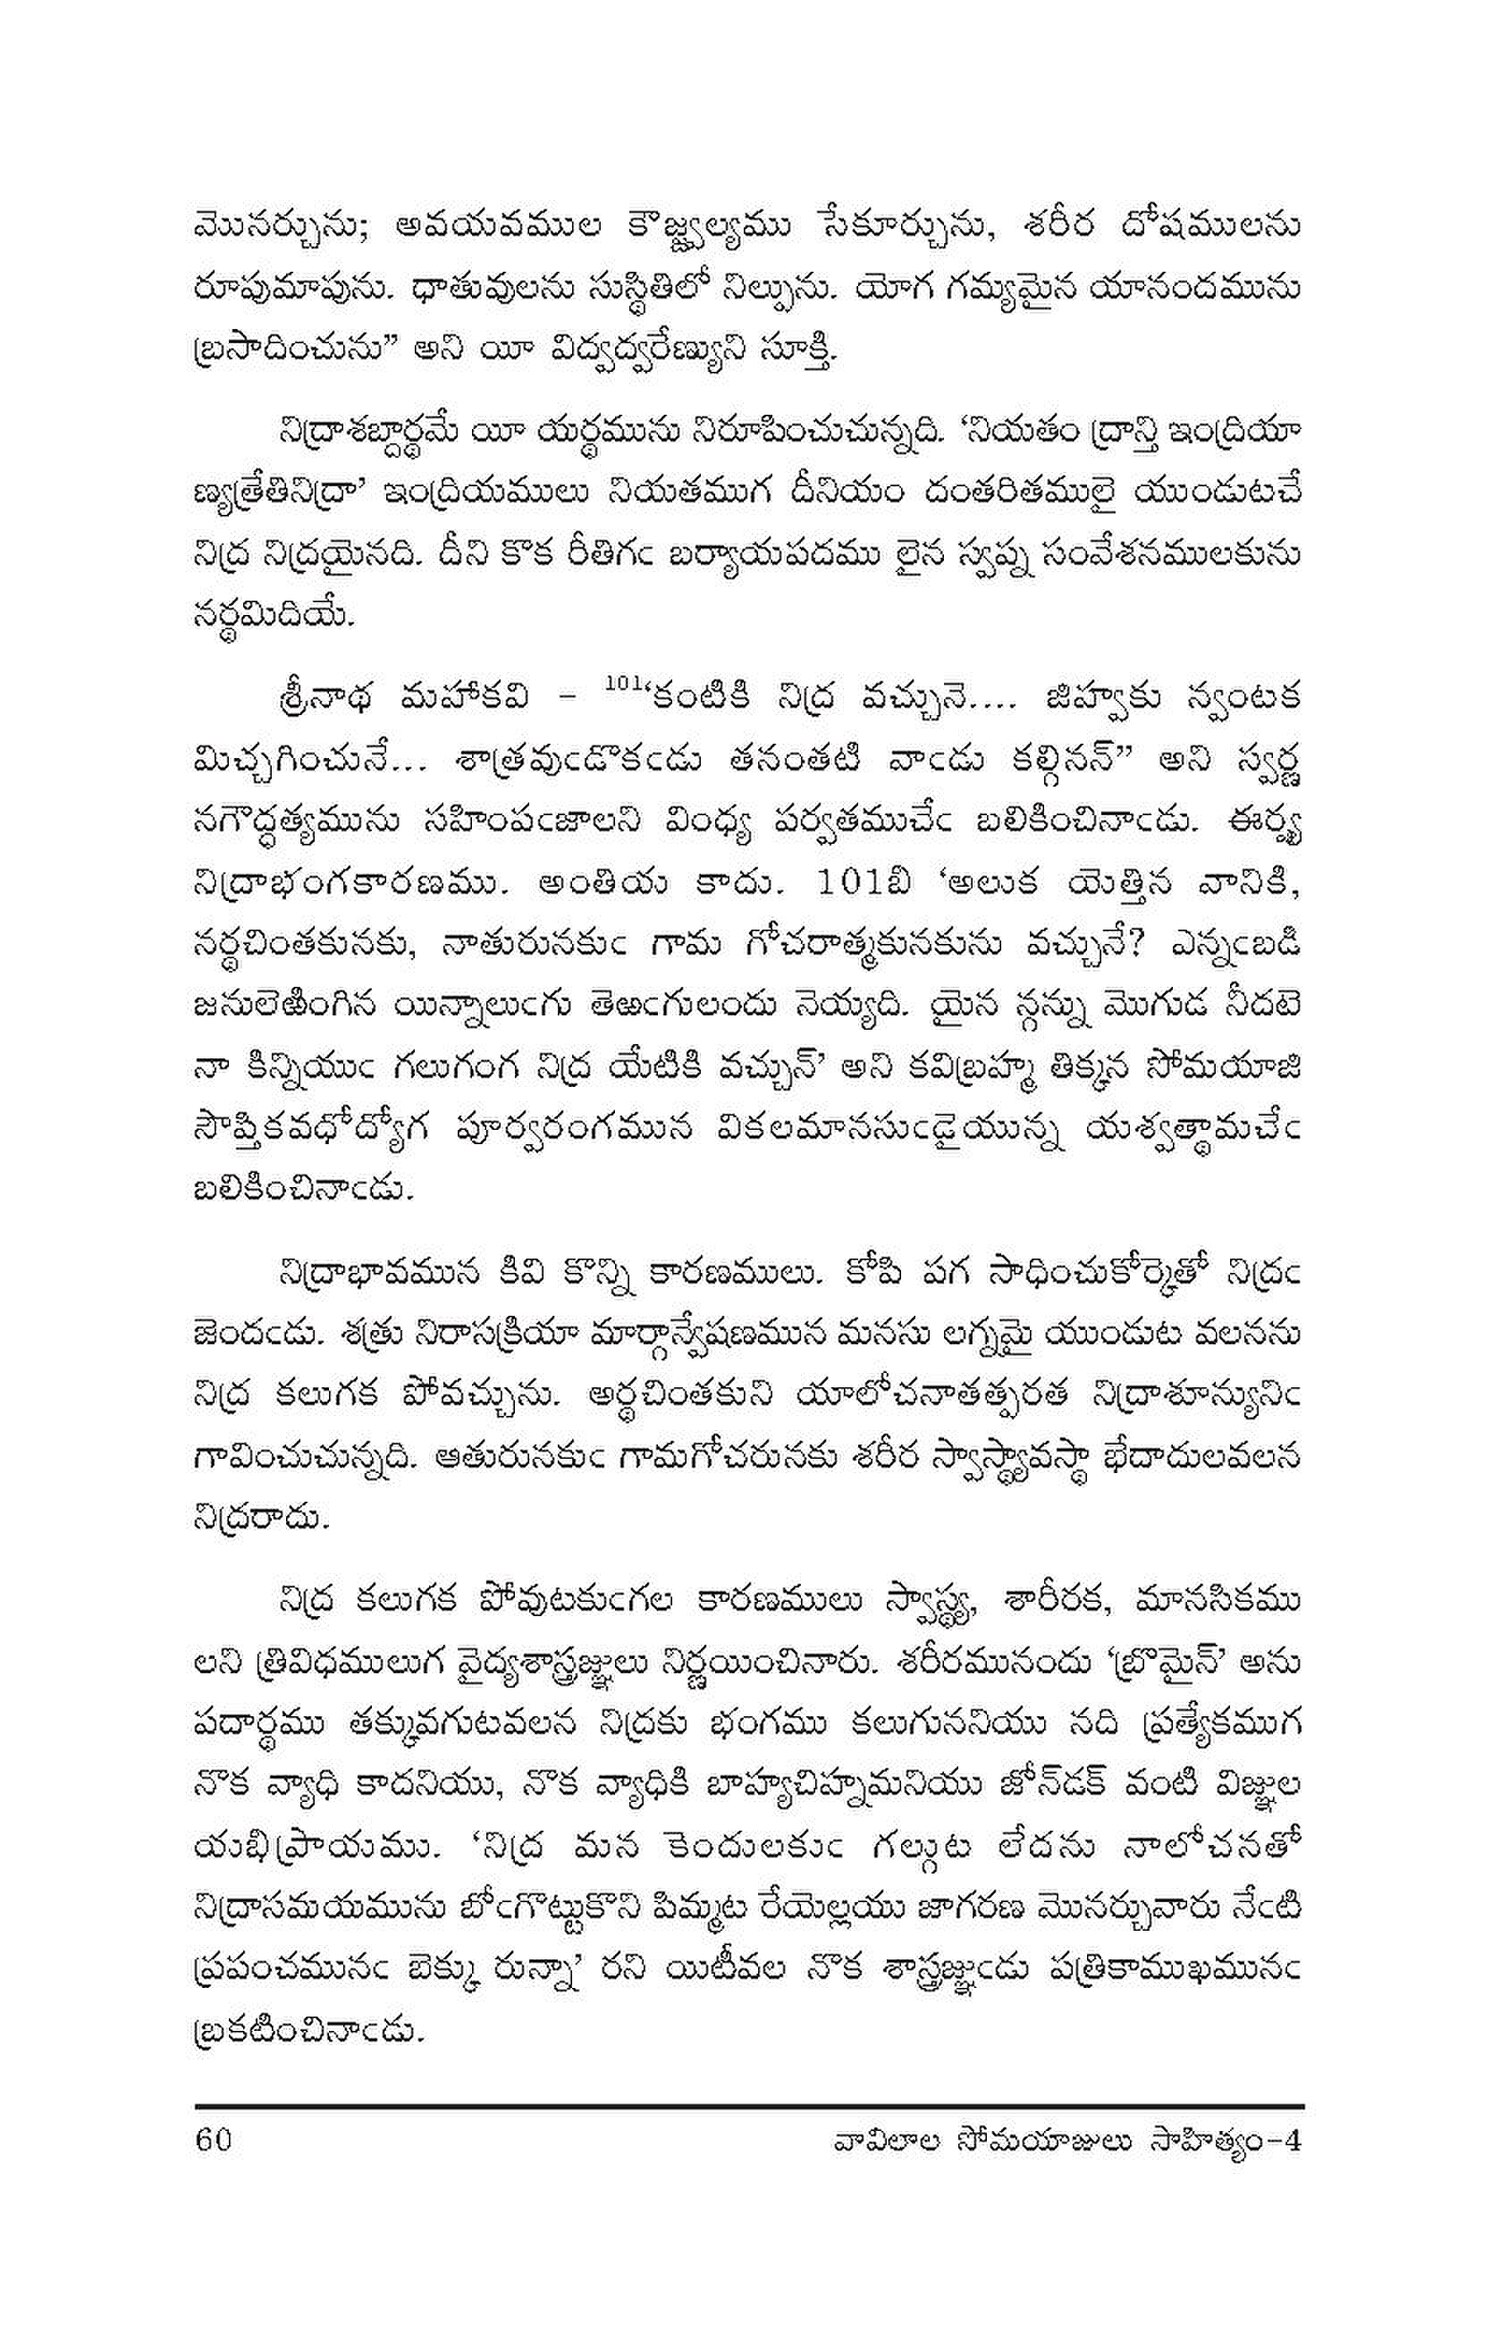మొనర్చును; అవయవములు కౌజ్వల్యము సేకూర్చును, శరీర దోషములను
రూపుమాపును. ధాతువులను సుస్థితిలో నిల్పును. యోగ గమ్యమైన యానందమును
బ్రసాదించును” అని యీ విద్వద్వరేణ్యుని సూక్తి.

నిద్రాశబ్దార్థమే యీ యర్థమును నిరూపించుచున్నది. 'నియతం ద్రాన్తి ఇంద్రియా
ణ్యత్రేతినిద్రా' ఇంద్రియములు నియతముగ దీనియం దంతరితములై యుండుటచే
నిద్ర నిద్రయైనది. దీని కొక రీతిగఁ బర్యాయపదము లైన స్వప్న సంవేశనములకును
నర్థమిదియే.

శ్రీనాథ మహాకవి కంటికి నిద్ర వచ్చునె.... జిహ్వకు న్వంటక
మిచ్చగించునే... శాత్రవుఁడొకఁడు తనంతటి వాఁడు కల్గినన్" అని స్వర్ణ
నగౌద్ధత్యమును సహింపఁజాలని వింధ్య పర్వతముచేఁ బలికించినాఁడు. ఈర్ష్య
నిద్రాభంగకారణము. అంతియ కాదు. 'అలుక యెత్తిన వానికి,
నర్థచింతకునకు, నాతురునకుఁ గామ గోచరాత్మకునకును వచ్చునే? ఎన్నఁబడి
జనులెఱింగిన యిన్నాలుఁగు తెఱఁగులందు నెయ్యది. యైన న్గను మొగుడ నీదటె
నా కిన్నియుఁ గలుగంగ నిద్ర యేటికి వచ్చున్' అని కవిబ్రహ్మ తిక్కన సోమయాజి
సౌప్తికవధోద్యోగ పూర్వరంగమున వికలమానసుఁడైయున్న యశ్వత్థామచేఁ
బలికించినాఁడు.
-
నిద్రాభావమున కివి కొన్ని కారణములు. కోపి పగ సాధించుకోర్కెతో నిద్రం
జెందఁడు. శత్రు నిరాసక్రియా మార్గాన్వేషణమున మనసు లగ్నమై యుండుట వలనను
నిద్ర కలుగక పోవచ్చును. అర్థచింతకుని యాలోచనాతత్పరత నిద్రాశూన్యునిఁ
గావించుచున్నది. ఆతురునకుఁ గామగోచరునకు శరీర స్వ్యావస్థా భేదాదులవలన
నిద్రరాదు.

నిద్ర కలుగక పోవుటకుఁగల కారణములు స్వాస్థ్య, శారీరక, మానసికము
లని త్రివిధములుగ వైద్యశాస్త్రజ్ఞులు నిర్ణయించినారు. శరీరమునందు 'బ్రొమైన్' అను
పదార్థము తక్కువగుటవలన నిద్రకు భంగము కలుగుననియు నది ప్రత్యేకముగ
నొక వ్యాధి కాదనియు, నొక వ్యాధికి బాహ్యచిహ్నమనియు జోన్ డక్ వంటి విజ్ఞుల
యభిప్రాయము. 'నిద్ర మన కెందులకుఁ గల్గుట లేదను నాలోచనతో
నిద్రాసమయమును బోఁగొట్టుకొని పిమ్మట రేయెల్లయు జాగరణ మొనర్చువారు నేఁటి
ప్రపంచమునఁ బెక్కు రున్నా రని యిటీవల నొక శాస్త్రజ్ఞుఁడు పత్రికాముఖమునఁ
బ్రకటించినాఁడు.